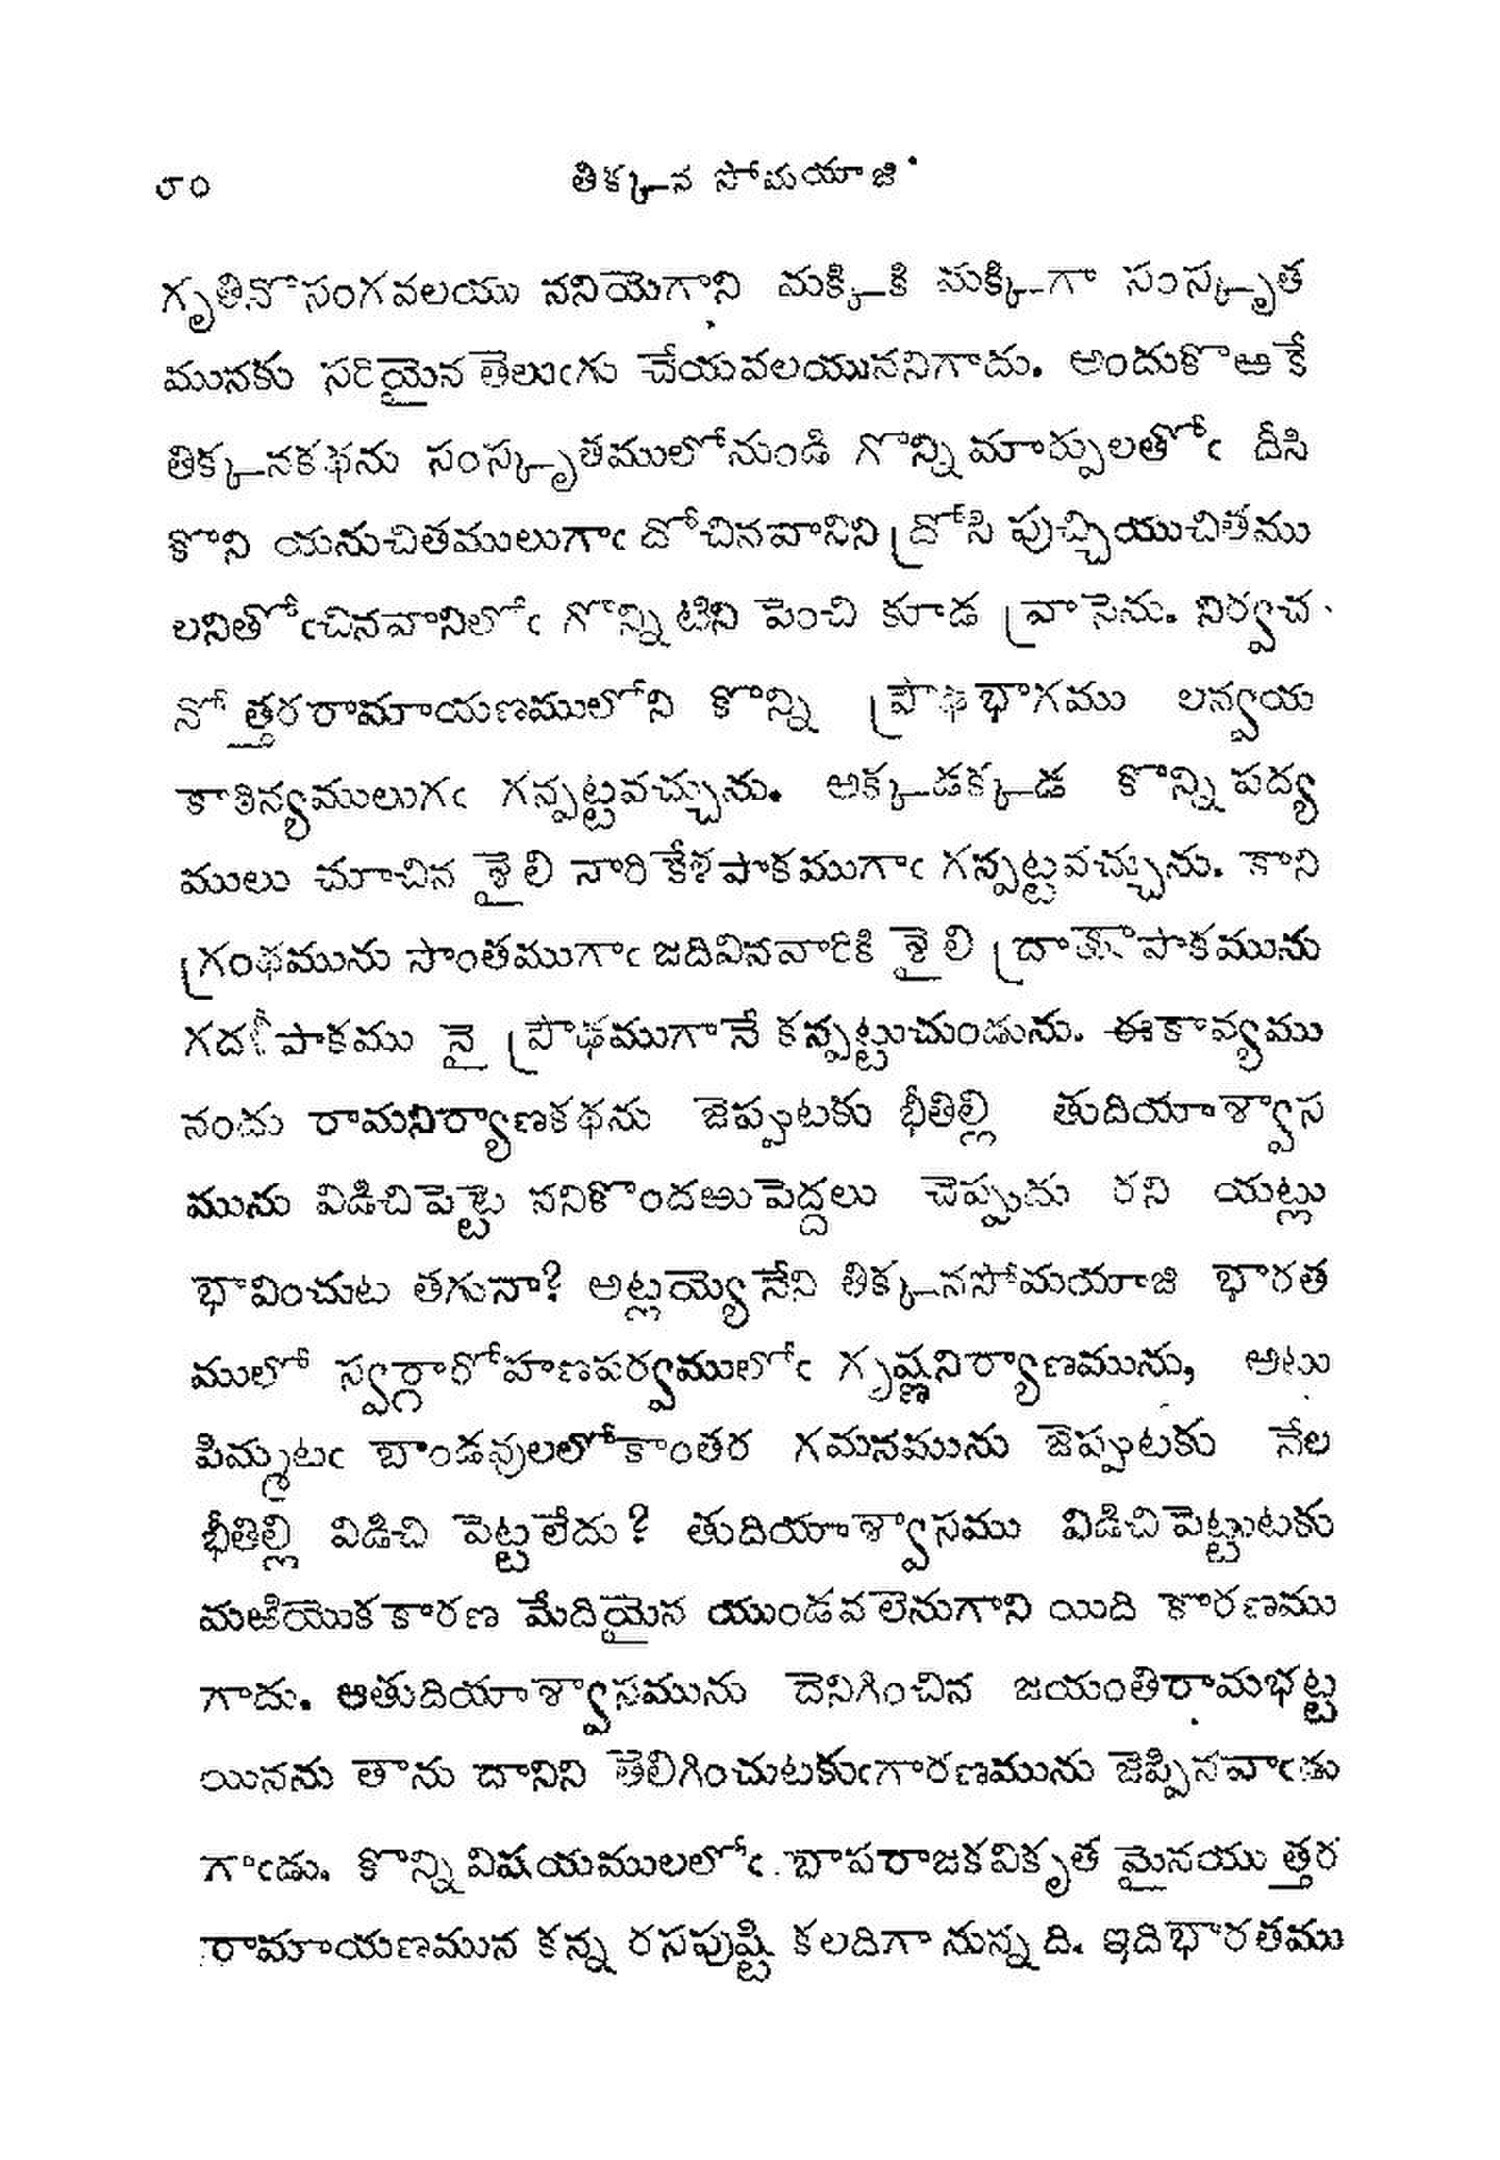గృతినొసంగవలయు ననియెగాని మక్కికి మక్కిగా సంస్కృతమునకు సరియైనతెలుఁగు చేయవలయుననిగాదు. అందుకొఱకే తిక్కనకథను సంస్కృతములోనుండి గొన్నిమార్పులతోఁ దీసికొని యనుచితములుగాఁ దోచినవానిని ద్రోసిపుచ్చి యుచితములనితోఁచిన వానిలోఁ గొన్నిటిని పెంచి కూడ వ్రాసెను. నిర్వచనోత్తర రామాయణములోని కొన్ని ప్రౌఢభాగము లన్వయ కాఠిన్యములుగఁ గన్పట్టవచ్చును. అక్కడక్కడ కొన్నిపద్యములు చూచిన శైలి నారికేళపాకముగాఁ గన్పట్టవచ్చును. కాని గ్రంథమును సాంతముగాఁ జదివినవారికి శైలి ద్రాక్షాపాకమును గదళీపాకము నై ప్రౌడముగానే కన్పట్టుచుండును. ఈకావ్యమునందు రామనిర్యాణకథను జెప్పుటకు భీతిల్లి తుదియాశ్వాసమును విడిచిపెట్టె ననికొందఱుపెద్దలు చెప్పుదు రని యట్లు భావించుట తగునా? అట్లయ్యెనేని తిక్కనసోమయాజి భారతములో స్వర్గారోహణపర్వములోఁ గృష్ణనిర్యాణమును, అటుపిమ్మటఁ బాండవులలోకాంతర గమనమును జెప్పుటకు నేల భీతిల్లి విడిచి పెట్టలేదు? తుదియాశ్వాసము విడిచిపెట్టుటకు మఱియొకకారణ మేదియైన యుండవలెనుగాని యిది కారణముగాదు. ఆతుదియాశ్వాసమును దెనిగించిన జయంతిరామభట్టయినను తాను దానిని తెలిగించుటకుఁగారణమును జెప్పినవాఁడు గాఁడు. కొన్నివిషయములలోఁ బాపరాజకవికృత మైనయుత్తర రామాయణమున కన్న రసపుష్టి కలదిగా నున్నది. ఇదిభారతము